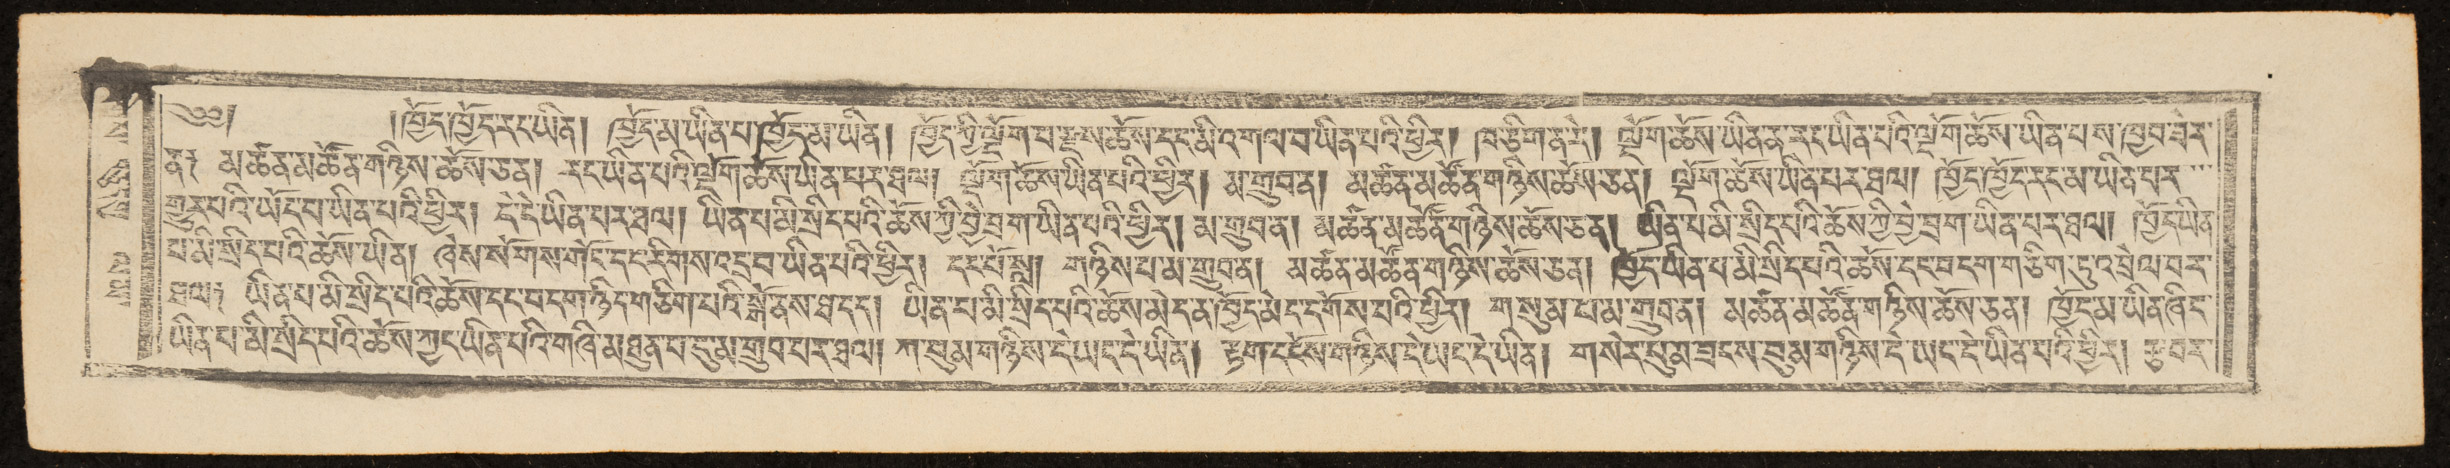༄༅། །ཁྱོད་ཁྱོད་རང་ཡིན། ཁྱོད་མ་ཡིན་པ་ཁྱོད་མ་ཡིན། ཁྱོད་ཀྱི་ལྡོག་པ་རྫས་ཆོས་དང་མི་འགལ་བ་ཡིན་པའི་ཕྱིར། ཁ་ཅིག་ན་རེ། ལྡོག་ཆོས་ཡིན་ན་རང་ཡིན་པའི་ལྡོག་ཆོས་ཡིན་པས་ཁྱབ་ཟེར་
ན། མཚན་མཚོན་གཉིས་ཆོས་ཅན། རང་ཡིན་པའི་ལྡོག་ཆོས་ཡིན་པར་ཐལ། ལྡོག་ཆོས་ཡིན་པའི་ཕྱིར། མ་གྲུབ་ན། མཚན་མཚོན་གཉིས་ཆོས་ཅན། ལྡོག་ཆོས་ཡིན་པར་ཐལ། ཁྱོད་ཁྱོད་རང་མ་ཡིན་པར་
གྱུར་པའི་ཡོད་པ་ཡིན་པའི་ཕྱིར། དེ་དེ་ཡིན་པར་ཐལ། ཡིན་པ་མི་སྲིད་པའི་ཆོས་ཀྱི་བྱེ་བྲག་ཡིན་པའི་ཕྱིར། མ་གྲུབ་ན། མཚན་མཚོན་གཉིས་ཆོས་ཅན། ཡིན་པ་མི་སྲིད་པའི་ཆོས་ཀྱི་བྱེ་བྲག་ཡིན་པར་ཐལ། ཁྱོད་ཡིན་
པ་མི་སྲིད་པའི་ཆོས་ཡིན། ཞེས་སོགས་གོང་དང་རིགས་འདྲ་བ་ཡིན་པའི་ཕྱིར། དང་པོ་སླ། གཉིས་པ་མ་གྲུབ་ན། མཚན་མཚོན་གཉིས་ཆོས་ཅན། ཁྱོད་ཡིན་པ་མི་སྲིད་པའི་ཆོས་དང་བདག་གཅིག་ཏུ་འབྲེལ་བར་
ཐལ། ཡིན་པ་མི་སྲིད་པའི་ཆོས་དང་བདག་ཉིད་གཅིག་པའི་སྒོ་ནས་ཐ་དད། ཡིན་པ་མི་སྲིད་པའི་ཆོས་མེད་ན་ཁྱོད་མེད་དགོས་པའི་ཕྱིར། གསུམ་པ་མ་གྲུབ་ན། མཚན་མཚོན་གཉིས་ཆོས་ཅན། ཁྱོད་མ་ཡིན་ཞིང་
ཡིན་པ་མི་སྲིད་པའི་ཆོས་ཀྱང་ཡིན་པའི་གཞི་མཐུན་པ་དུ་མ་གྲུབ་པར་ཐལ། ཀ་བུམ་གཉིས་དེ་ཡང་དེ་ཡིན། རྟག་དངོས་གཉིས་དེ་ཡང་དེ་ཡིན། གསེར་བུམ་ཟངས་བུམ་གཉིས་དེ་ཡང་དེ་ཡིན་པའི་ཕྱིར། རྩ་བར་